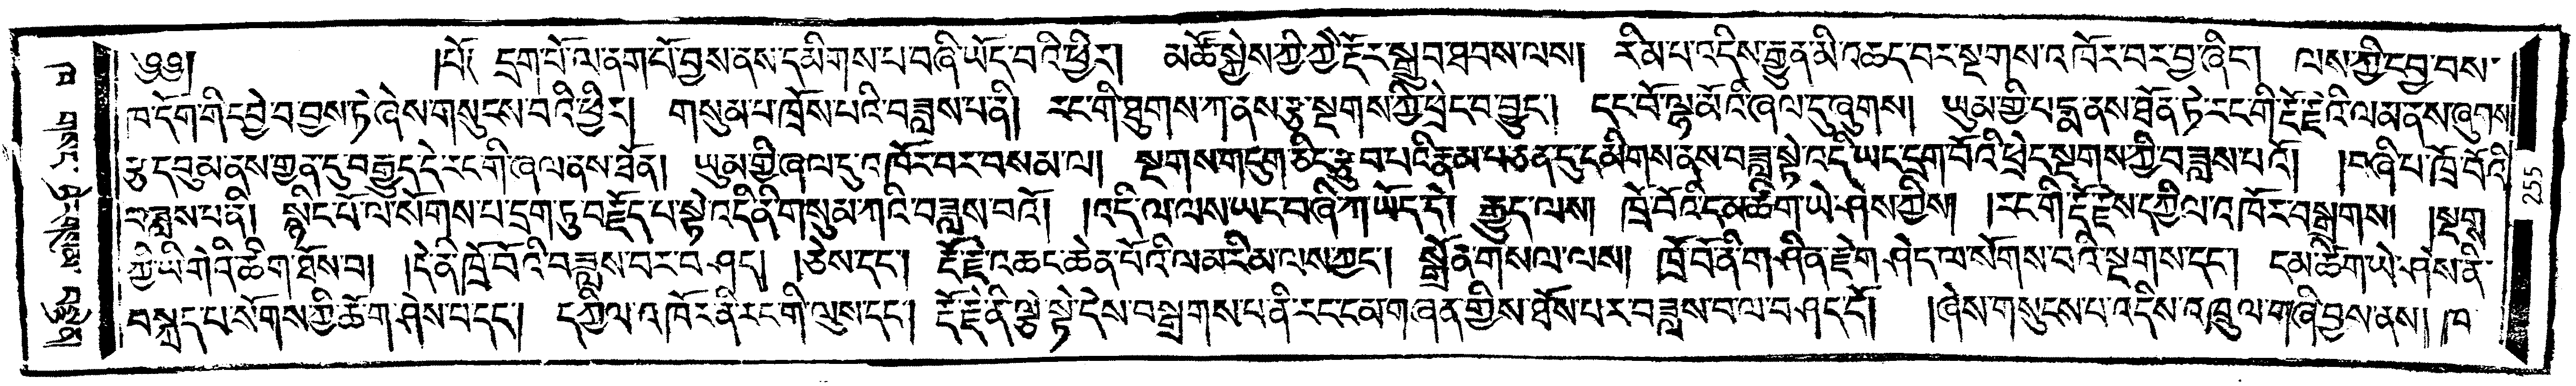༄༅། །པོ༑ དྲག་པོ་ལ་ནག་པོ་བྱས་ནས་དམིགས་པ་བཞི་ཡོད་བའི་ཕྱིར། མཚོ་སྐྱེས་ཀྱི་ཀྱཻ་རྡོར་སྒྲུབ་ཐབས་ལས། རིམ་པ་འདིས་རྒྱུན་མི་འཆད་བར་སྔགས་འཁོར་བར་བྱ་ཞིང་། ལས་ཀྱི་དབྱེ་བས་
ཁ་དོག་གི་དབྱེ་བ་བྱས་ཏེ་ཞེས་གསུངས་བའི་ཕྱིར། གསུམ་པ་ཁྲོས་པའི་བཟླས་པ་ནི། རང་གི་ཐུགས་ཀ་ནས་རྩ་སྔགས་ཀྱི་ཕྲེང་བར་བྱུང་། དང་པོ་ལྷ་མོའི་ཞལ་དུ་ཞུགས། ཡུམ་གྱི་པདམ་ནས་ཐོན་ཏེ་རང་གི་རྡོ་རྗེའི་ལམ་ནས་ཞུགས་
རྩ་དབུམ་ནས་གྱན་དུ་བརྒྱུད་དེ་རང་གི་ཞལ་ནས་ཐོན། ཡུམ་གྱི་ཞལ་དུ་འཁོར་བར་བསམ་ལ། སྔགས་གདུག་ཅིང་རྩུབ་པའི་རྣམ་པ་ཅན་དུ་དམིགས་ནས་བཟླ་སྟེ་འདི་ཡང་དྲག་པོའི་ཕྲེང་སྔགས་ཀྱི་བཟླས་པའོ། །བཞི་པ་ཁྲོ་བོའི་
བཟླས་པ་ནི། སྙིང་པོ་ལ་སོགས་པ་དྲག་ཏུ་བརྗོད་པ་སྟེ་འདི་ནི་གསུམ་ཀའི་བཟླས་བའོ། །འདི་ལ་ལས་ཡང་བཞི་ཀ་ཡོད་དེ། རྒྱུད་ལས། ཁྲོ་བོའི་དམ་ཚིག་ཡེ་ཤེས་ཀྱིས། །རང་གི་རྡོ་རྗེས་དཀྱིལ་འཁོར་བསྒྲགས། །སྔགས་
ཀྱི་ཡི་གེའི་ཚིག་ཐོས་བ། །དེ་ནི་ཁྲོ་བོའི་བཟླས་བར་བཤད། །ཅེས་དང་། རྡོ་རྗེ་འཆང་ཆེན་པོའི་ལམ་རིམ་ལས་ཀྱང་། སྒྲོན་གསལ་ལས། ཁྲོ་བོ་ནི་གཤིན་རྗེ་གཤེད་ལ་སོགས་བའི་སྔགས་དང་། དམ་ཚིག་ཡེ་ཤེས་ནི་
བསྐྲད་པ་སོགས་ཀྱི་ཆོ་ག་ཤེས་པ་དང་། དཀྱིལ་འཁོར་ནི་རང་གི་ལུས་དང་། རྡོ་རྗེ་ནི་ལྕེ་སྟེ་དེས་བསྒྲགས་པ་ནི་རང་ངམ་གཞན་གྱིས་ཐོས་པར་བཟླས་པ་ལ་བཤད་དོ། །ཞེས་གསུངས་པ་འདིས་འཁྲུལ་གཞི་བྱས་ནས། ཁ་